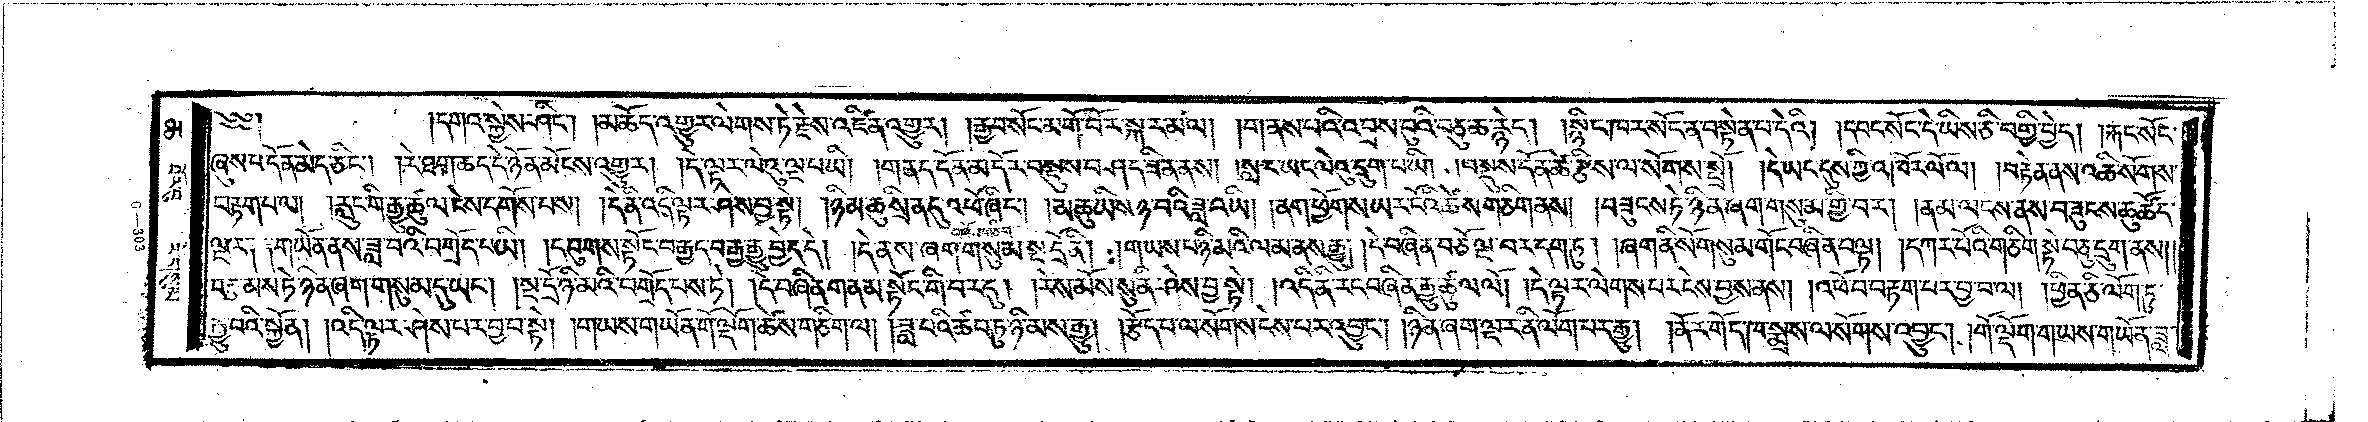༄༅། །དགའ་སྐྱེས་ཤིང་། །མཆོད་འགྱུར་ལེགས་ཏེ་རྗེས་འཛིན་འགྱུར། །རྒྱབ་སོང་མགོ་བོར་སྐར་མ་ལ། །གནས་པའི་འབྲས་བུའི་བཅུ་ཆ་རྙེད། །སྙིང་ཁར་སོང་ན་བསྟེན་པ་དེའི། །དབང་སོང་དེ་ཡིས་ཅི་བགྱི་བྱེད། །རྐང་སོང་
ཞུས་པ་དོན་མེད་ཅིང་། །རེ་ཐག་ཆད་དེ་ཉོན་མོངས་འགྱུར། །དེ་ལྟར་ལེའུ་ལྔ་པ་ཡི། །གནད་དོན་མདོར་བསྡུས་བཤད་ཟིན་ནས། །སླར་ཡང་ལེའུ་དྲུག་པ་ཡི། །བསྡུས་དོན་ཚེ་རྩིས་ལ་སོགས་སྤྲོ། །དེ་ཡང་དུས་ཀྱི་འཁོར་ལོ་ལ། །བརྟེན་ནས་འཆི་སོགས་
བརྟག་པ་ལ། །རླུང་གི་རྒྱུ་ཚུལ་ངེས་དགོས་པས། །དེ་ནི་འདི་ལྟར་ཤེས་བྱ་སྟེ། །ཉི་མ་ཆུ་སྲིན་དུ་འཕོ་ཞིང་། །མཆུ་ཡིས་ཉ་བའི་ཟླ་བ་ཡི། །ནག་ཕྱོགས་ཡར་ངོའི་ཚེས་གཅིག་ནས། །བཟུངས་ཏེ་ཉིན་ཞག་གསུམ་གྱི་བར། །ནམ་ལངས་ནས་བཟུངས་ཆུ་ཚོད་
ལྔར༑ ༑གཡོན་ནས་ཟླ་བའི་བགྲོད་པ་ཡི། །དབུགས་སྟོང་བརྒྱད་བརྒྱ་རྒྱུ་བྱེད་དེ། །དེ་ནས་ཞག་གསུམ་སྔ་དྲོ་ནི། །གཡས་པ་ཉི་མའི་ལམ་ནས་རྒྱུ། །དེ་བཞིན་བཅོ་ལྔ་བར་དག་ཏུ། །ཞག་ནི་སོ་གསུམ་གོང་བཞིན་བལྟ། །དཀར་པོའི་གཅིག་སྟེ་བཅུ་དྲུག་ནས།།
བརྩམས་ཏེ་ཉིན་ཞག་གསུམ་དུ་ཡང་། །སྔ་དྲོ་ཉི་མའི་བགྲོད་པས་ཏེ། །དེ་བཞིན་གནམ་སྟོང་གི་བར་དུ། །རེས་མོས་སུ་ནི་ཤེས་བྱ་སྟེ། །འདི་ནི་རང་བཞིན་རྒྱུ་ཚུལ་ལོ། །དེ་ལྟར་ལེགས་པར་ངེས་བྱས་ནས། །འཕོབ་བརྟག་པར་བྱ་བ་ལ། །ཕྱིན་ཅི་ལོག་ཏུ་
རྒྱུ་བའི་སྐྱོན། །འདི་ལྟར་ཤེས་པར་བྱ་བ་སྟེ། །གཡས་གཡོན་གོ་ལྡོག་ཚེས་གཅིག་ལ། །ཟླ་པའི་ཚབ་ཏུ་ཉི་མས་རྒྱུ། །རྩོད་པ་ལ་སོགས་ངེས་པར་འབྱུང་། །ཉིན་ཞག་ལྔར་ནི་ལོག་པར་རྒྱུ། །ནོར་གོད་ཁ་སྨྲས་ལ་སོགས་འབྱུང་། །གོ་ལྡོག་གཡས་གཡོན་ཟླ་